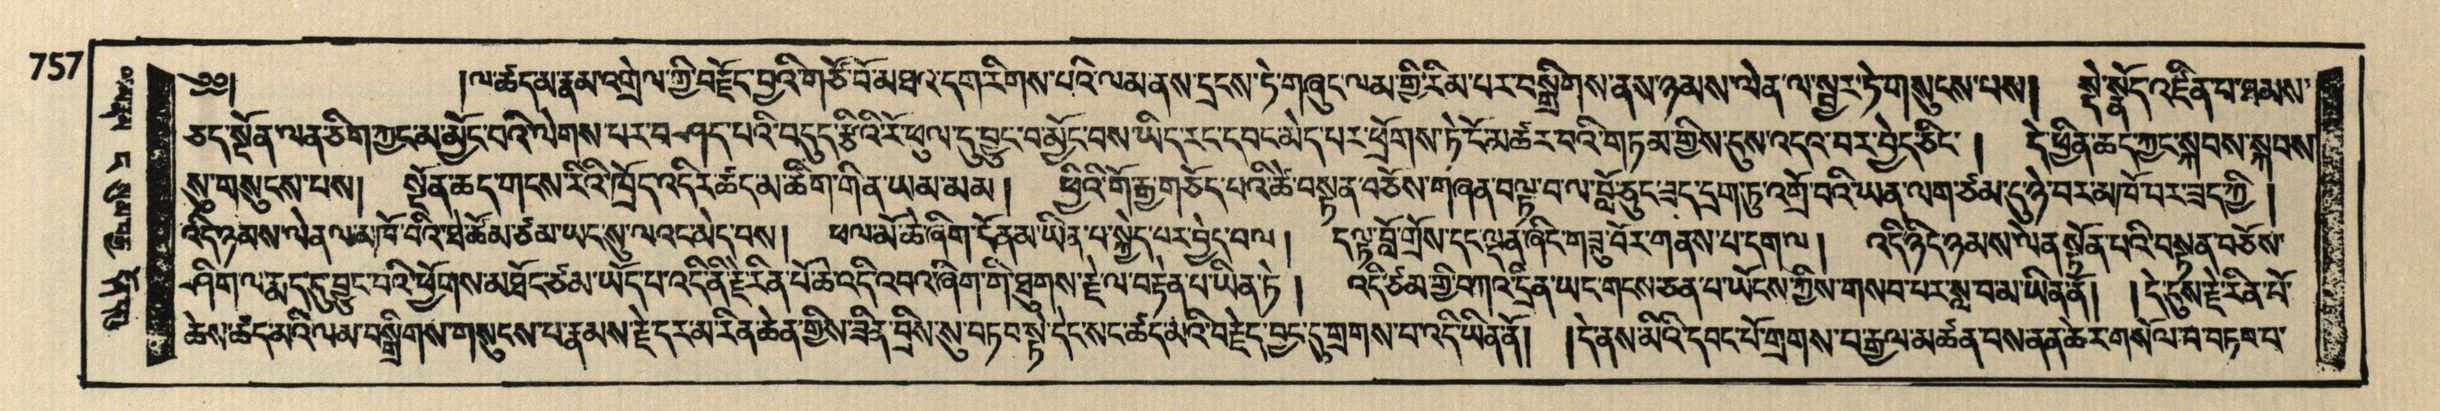༄༅། །ལ་ཚད་མ་རྣམ་འགྲེལ་གྱི་བརྗོད་བྱའི་གཙོ་བོ་མཐའ་དག་རིགས་པའི་ལམ་ནས་དྲངས་ཏེ་གཞུང་ལམ་གྱི་རིམ་པར་བསྒྲིགས་ནས་ཉམས་ལེན་ལ་སྦྱར་ཏེ་གསུངས་པས། སྡེ་སྣོད་འཛིན་པ་ཐམས་
ཅད་སྔོན་ལན་ཅིག་ཀྱང་མ་མྱོང་བའི་ལེགས་པར་བཤད་པའི་བདུད་རྩིའི་རོ་ཕུལ་དུ་བྱུང་བ་མྱོང་བས་ཡིད་རང་དབང་མེད་པར་ཕྲོགས་ཏེ་ངོ་མཚར་བའི་གཏམ་གྱིས་དུས་འདའ་བར་བྱེད་ཅིང་། དེ་ཕྱིན་ཆད་ཀྱང་སྐབས་སྐབས་
སུ་གསུངས་པས། སྔོན་ཆད་གངས་རིའི་ཁྲོད་འདིར་ཚད་མ་ཚིག་གི་ན་ཡམ་མམ། ཕྱིའི་གོ་རྒྱ་གཅོད་པའི་ཚེ་བསྟན་བཅོས་གཞན་བལྟ་བ་ལ་བློ་ཅུང་ཟད་དྲག་ཏུ་འགྲོ་བའི་ཡན་ལག་ཙམ་དུ་ཉེ་བར་མཁོ་བར་ཟད་ཀྱི།
འདི་ཉམས་ལེན་ལ་མཁོ་བའི་ཐེ་ཚོམ་ཙམ་ཡང་སུ་ལའང་མེད་པས། ཕལ་མོ་ཆེ་ཞིག་དོན་མ་ཡིན་པ་སྐྱེད་པར་བྱེད་བ་ལ། ད་ལྟ་བློ་གྲོས་དང་ལྡན་ཞིང་གཟུ་བོར་གནས་པ་དག་ལ། འདི་ཉིད་ཉམས་ལེན་སྟོན་པའི་བསྟན་བཅོས་
ཤིག་ལ་རྨད་དུ་བྱུང་བའི་ཕྱོགས་མཐོང་ཙམ་ཡོད་པ་འདི་ནི་རྗེ་རིན་པོ་ཆེ་འདི་འབའ་ཞིག་གི་ཐུགས་རྗེ་ལ་བརྟེན་པ་ཡིན་ཏེ། འདི་ཙམ་གྱི་བཀའ་དྲིན་ཡང་གངས་ཅན་པ་ཡོངས་ཀྱིས་གསབ་པར་སླ་བ་མ་ཡིན་ནོ། །དེ་དུས་རྗེ་རིན་པོ་
ཆེས་ཚད་མའི་ལམ་བསྒྲིགས་གསུངས་པ་རྣམས་རྗེ་དར་མ་རིན་ཆེན་གྱིས་ཟིན་བྲིས་སུ་བཏབ་སྟེ་དེང་སང་ཚད་མའི་བརྗེད་བྱང་དུ་གྲགས་པ་འདི་ཡིན་ནོ། །དེ་ནས་མིའི་དབང་པོ་གྲགས་པ་རྒྱལ་མཚན་བས་ནན་ཆེར་གསོལ་བ་བཏབ་བ་